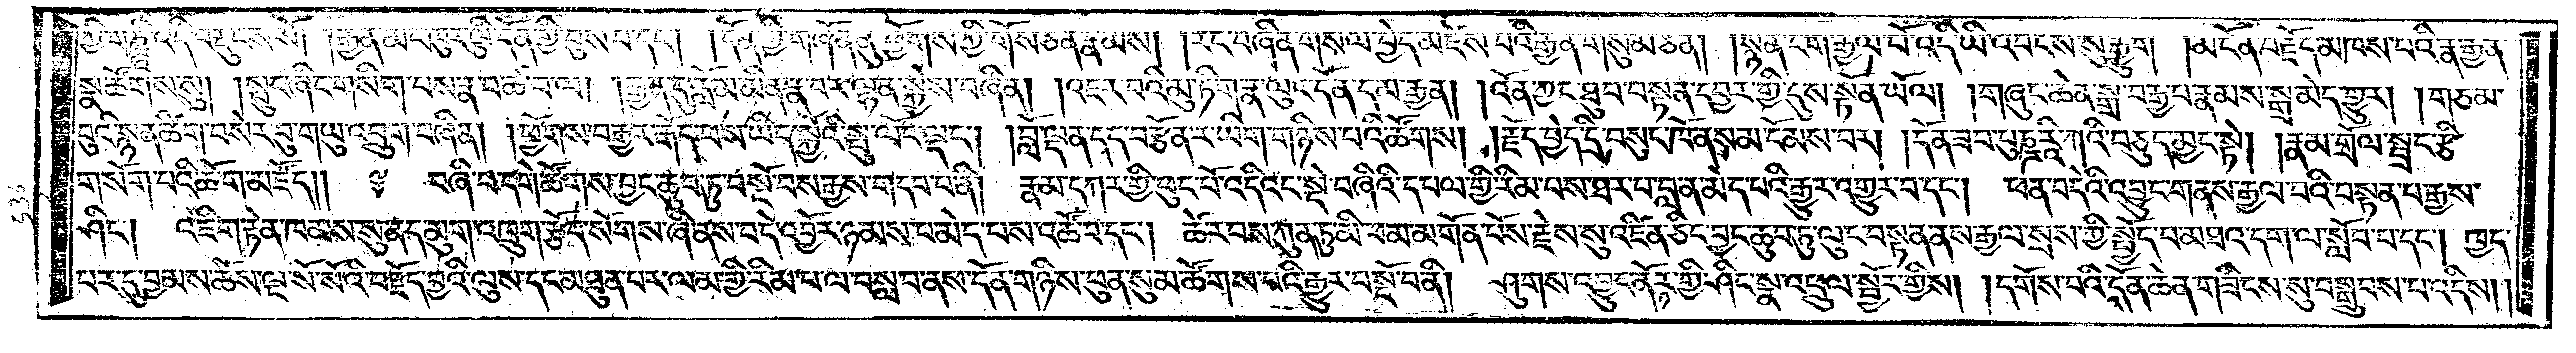ཀྱི་གཎྜཱི་འདི་བརྡུངས་སོ། །རྒྱན་མང་ཁུར་ལྕི་དོན་གྱི་བུས་པ་དང་། དོན་གྱི་གཞོན་ནུ་ཕྱོགས་ཀྱི་གོས་ཅན་རྣམས། །རང་བཞིན་གསལ་བྱེད་མཛེས་པའི་རྒྱན་གསུམ་ཅན། །སྙན་ངག་རྒྱལ་པོའི་འདི་ཡི་འབངས་སུ་རྒྱུག །མངོན་བརྗོད་མཁས་པའི་རྣ་རྒྱན་
སྣ་ཚོགས་སུ། །སྤུང་ཞིང་གསིག་པས་རྣ་བྪ་བ་ལ། །རྒྱན་དུ་རློམ་མིན་རྣ་བར་ལྷན་སྐྱེས་བཞིན། །འཇར་བའི་མུ་ཚིག་རྣ་ལུང་དོན་དམ་རྒྱན། །འོན་ཀྱང་ཐུབ་བསྟན་དབྱར་གྱི་དུས་སྟོན་ཡོལ། །གཞུང་ཆེན་སྒྲ་བརྒྱ་བ་རྣམས་སྒྲ་མེད་གྱུར། །གཅམ་
བུའི་སྙན་ཚིག་བསེར་བུ་གཡུ་འབྲུག་བཞིན། །ཕྱོགས་བརྒྱར་རྒོད་བས་ཡིད་སྐྱོའི་སྤུ་ལོང་ལྡང་། །བློ་ལྡན་དད་བརྩོན་ར་ཡིག་གཉིས་པའི་ཚོགས། །རྗོད་བྱེད་དྲི་བསུང་ཁོ་ནས་མངོམས་པར། །དོན་ཟབ་པུཎྜཱྲཱི་ཀའི་བཅུད་མྱང་སྟེ། །རྣམ་གྲོལ་སྦྲང་རྩི་
གསོག་པའི་ཆོ་ག་མཛོད།། ༈ བཞི་བདྒེ་ཚོགས་བྱང་ཆུབ་ཏུ་བསྔོ་བས་རྒྱས་གདབ་པ་ནི། རྣམ་དཀར་གྱི་ཕུང་པོ་འདིའང་སྡེ་བཞིའི་དཔལ་གྱི་རིམ་པས་ཐར་པ་བླ་ན་མེད་པའི་རྒྱུར་འགྱུར་བ་དང་། ཕན་བདེའི་འབྱུང་གནས་རྒྱལ་བའི་བསྟན་པ་རྒྱས་
ཤིང་། འཇིག་རྟེན་ཁམས་སུན་དམུག་འཁྲུག་རྩོད་སོགས་ཞི་ནས་བདེ་འབྱོར་ཉམས་བ་མེད་བས་འཚོ་བ་དང་། ཚེ་རབས་ཀུན་ཏུ་མི་ཕམ་མགོན་པོས་རྗེས་སུ་འཛིན་ཅིང་བྱང་ཆུབ་ཏུ་ལུང་བསྟན་ནས་རྒྱལ་སྲས་ཀྱི་སྤྱོད་བ་མཐའ་དག་ལ་སློབ་པ་དང་། ཁྱད་
པར་དུ་བྱམས་ཆོས་ལྔ་སོ་སོའི་བརྗོད་བྱའི་ལུས་དང་མཐུན་པར་ལམ་གྱི་རིམ་པ་ལ་བསླབ་ནས་དོན་གཉིས་ཕུན་སུམ་ཚོགས་པའི་རྒྱུར་བ་སྔོ་བ་ནི། ཤུགས་འབྱུང་ནོར་གྱི་ཤིང་སྣ་འབྲུལ་སྦྱོར་གྱིས། །དགོས་པའི་དོན་ཆེན་གཟིངས་སུ་བསྒྲུབས་པ་འདིས།།